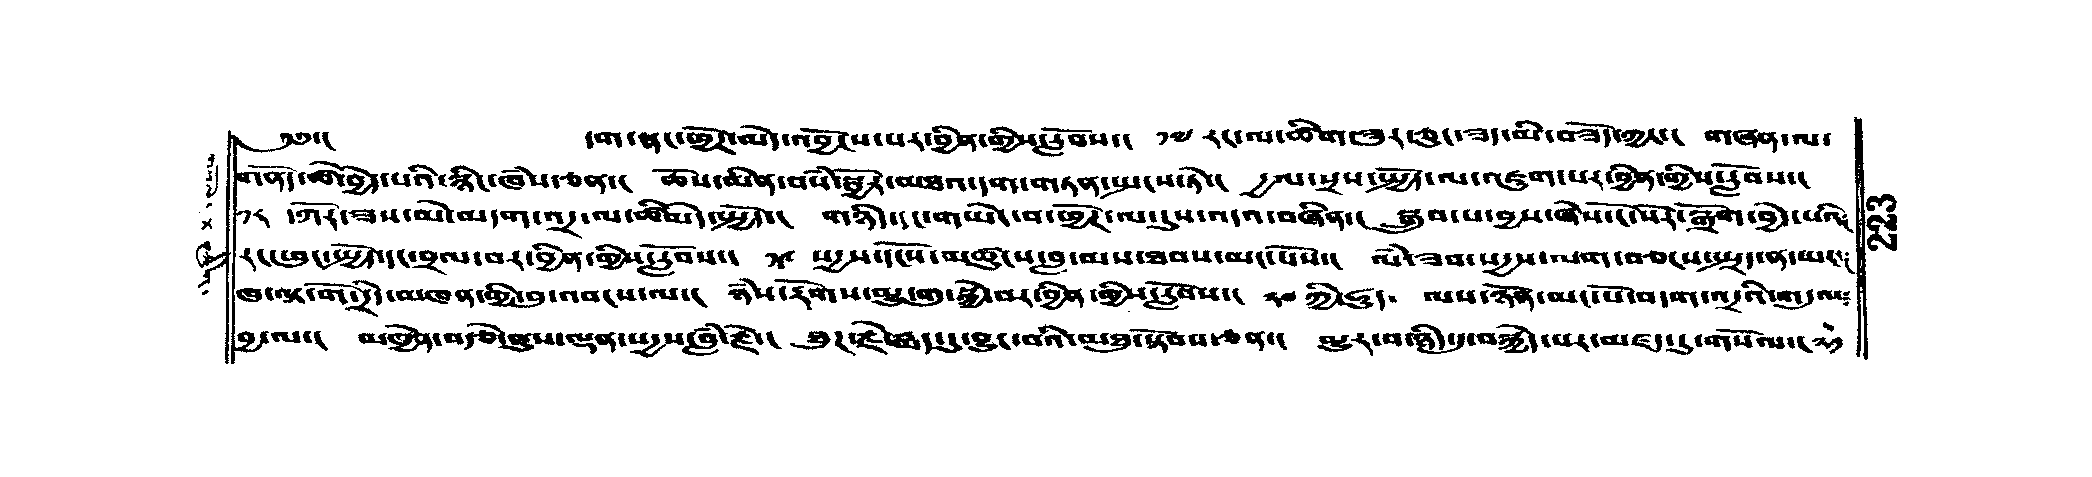།དག་སྣང་ཕྱོགས་མེད་འབྱོངས་པར་བྱིན་གྱིས་རློབས། ༡༧ །རང་ལ་ཚིག་ཟུར་ཅུང་ཟད་མི་བཟོད་ཀྱང་། །གཞན་ལ་
གནོད་འཚེ་བྱེད་པའི་སྙིང་ཁམས་ཅན། །ཆོས་མིན་བསམ་སྦྱོར་མཐའ་དག་གཏན་སྤངས་ཏེ། །རྒྱལ་སྲས་སྤྱོད་ལ་འཇུག་པར་བྱིན་གྱིས་རློབས། 
༡༨ །དཀོར་ཟས་མེ་མདག་འདྲ་ལ་ཚིམ་མེད་སྤྱོད། །གཉིད་དང་གཡེང་བ་ཕྱོགས་ལ་དུས་འདའ་བཞིན། །སྒྲུབ་པ་བྱས་ཞེས་ངོ་སོར་སྒྲོག་བྱེད་པའི། །
རང་ཕུང་སྤྱོད་དང་བྲལ་བར་བྱིན་གྱིས་རློབས། ༡༩ །སངས་རྒྱས་དངོས་མཚུངས་བླ་མས་ཐབས་མང་པོས། །ལམ་ཟབ་སངས་རྒྱས་ལག་བཅངས་སྤྲད་ན་ཡང་། །
ཁ་ལྟ་གོ་དྲེད་མཁན་གྱིས་བུ་འབངས་ལ། །ཉམས་རྟོགས་མྱུ་གུ་སྐྱེ་བར་བྱིན་གྱིས་རློབས། ༢༠ །ཀྱི་ཧུད། ལས་ཉོན་མང་པོ་བདག་འདྲའི་གདུལ་
བྱ་ལ། །མཁྱེན་བརྩེ་ནུས་ལྡན་སངས་རྒྱས་བླ་མ་རྗེ། །ཐུགས་རྗེ་རྨད་དུ་བྱུང་བའི་མཐུ་སྟོབས་ཅན། །མྱུར་བ་ཉིད་དུ་བསྐྱེད་པར་མཛད་དུ་གསོལ།